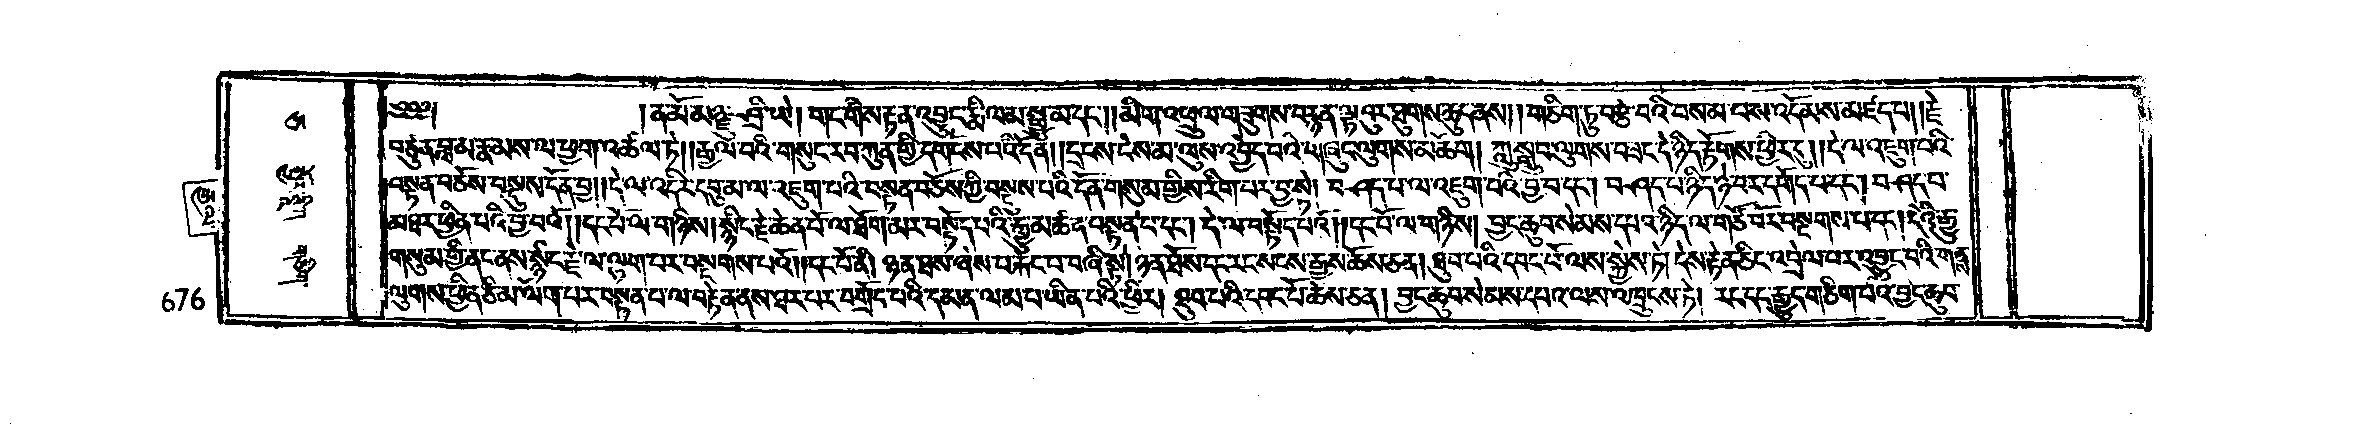༄༅༅། །ན་མོ་མཉྫུ་ཤྲི་ཡེ། གང་གིས་རྟན་འབྱུང་རྨི་ལམ་སྒྱུ་མ་དང་། །མིག་འཕྲུལ་གཟུགས་བརྙན་ལྟ་བུར་ཐུགས་ཆུད་ནས། །གཅིག་ཏུ་བརྩེ་བའི་བསམ་པས་འདོམས་མཛད་པ། །རྗེ་
བཙུན་བླ་མ་རྣམས་ལ་ཕྱག་འཚལ་ཏེ། །རྒྱལ་བའི་གསུང་རབ་ཀུན་གྱི་དགོངས་པའི་དོན། །དྲངས་ངེས་མ་ལུས་འབྱེད་པའི་གཞུང་ལུགས་མཆོག །ཀླུ་སྒྲུབ་ལུགས་བཟང་དེ་ཉིད་རྟོགས་ཕྱིར་དུ། །དེ་ལ་འཇུག་པའི་
བསྟན་བཅོས་བསྡུས་དོན་བྱ། །དེ་ལ་འདིར་དབུ་མ་ལ་འཇུག་པའི་བསྟན་བཅོས་ཀྱི་བསྡུས་པའི་དོན་གསུམ་གྱིས་རིག་པར་བྱ་སྟེ། བཤད་པ་ལ་འཇུག་པའི་བྱ་བ་དང་། བཤད་པ་ཉིད་ཉེ་བར་དགོད་པ་དང་། བཤད་པ་
མཐར་ཕྱིན་པའི་བྱ་བའོ། །དང་པོ་ལ་གཉིས། སྙིང་རྗེ་ཆེན་པོ་ལ་ཐོག་མར་བསྟོད་པའི་རྒྱུ་མཚན་བསྟན་པ་དང་། དེ་ལ་བསྟོད་པའོ། །དང་པོ་ལ་གཉིས། བྱང་ཆུབ་སེམས་དཔའ་ཉིད་ལ་གཙོ་བོར་བསྔགས་པ་དང་། དེའི་རྒྱུ་
གསུམ་གྱི་ནང་ནས་སྙིང་རྗེ་ལ་ལྷག་པར་བསྔགས་པའོ། །དང་པོ་ནི། ཉན་ཐོས་ཞེས་པ་རྐང་པ་བཞི་སྟེ། ཉན་ཐོས་དང་རང་སངས་རྒྱས་ཆོས་ཅན། ཐུབ་པའི་དབང་པོ་ལས་སྐྱེས་ཏེ། དེས་རྟེན་ཅིང་འབྲེལ་པར་འབྱུང་བའི་གནས་
ལུགས་ཕྱིན་ཅི་མ་ལོག་པར་བསྟན་པ་ལ་བརྟེན་ནས་ཐར་པར་བགྲོད་པའི་དམན་ལམ་པ་ཡིན་པའི་ཕྱིར། ཐུབ་པའི་དབང་པོ་ཆོས་ཅན། བྱང་ཆུབ་སེམས་དཔའ་ལས་འཁྲུངས་ཏེ། རང་དང་རྒྱུད་གཅིག་པའི་བྱང་ཆུབ་